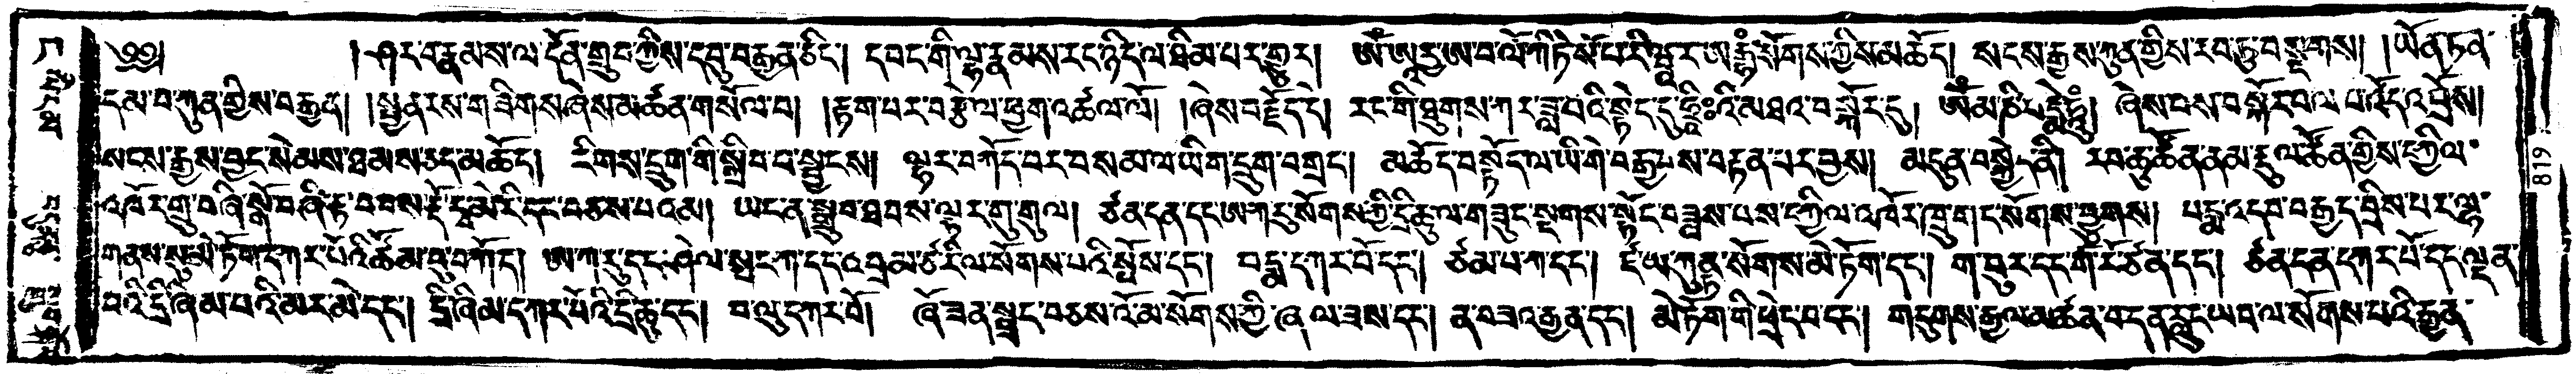༄༅། །ཤར་བ་རྣམས་ལ་དོན་གྲུབ་ཀྱིས་དབུ་བརྒྱན་ཅིང་། དབང་གི་ལྷ་རྣམས་རང་ཉིད་ལ་ཐིམ་པར་གྱུར། ཨོཾ་ཨཱརྱ་ཨ་བ་ལོ་ཀི་ཏེ་ས་པ་རི་ཝཱ་ར་ཨརྒྷཾ་སོགས་ཀྱིས་མཆོད། སངས་རྒྱས་ཀུན་ཀྱིས་རབ་ཏུ་བསྔགས། །ཡོན་ཏན་
དམ་པ་ཀུན་གྱིས་བརྒྱན། །སྤྱན་རས་གཟིགས་ཞེས་མཚན་གསོལ་བ། །རྟག་པར་བརྩེ་ལ་ཕྱག་འཚལ་ལོ། །ཞེས་བརྗོད་དེ། རང་གི་ཐུགས་ཀར་ཟླ་བའི་སྟེང་དུ་ཧྲཱིཿ འི་མཐའ་བསྐོར་དུ། ཨོཾ་མ་ཎི་པདམེ་ཧཱུཾ། ཞེས་བས་བསྐོར་པ་ལས་འོད་འཕྲོས།
སངས་རྒྱས་བྱང་སེམས་ཐམས་ཅད་མཆོད། རིགས་དྲུག་གིས་གྲིབ་པ་སྦྱངས། ལྷར་བཀོད་པར་བསམ་ལ་ཡིག་དྲུག་བགྲང་། མཆོད་བསྟོད་ལ་ཡི་གེ་བརྒྱ་བས་བརྟན་པར་བྱས། མདུན་བསྐྱེད་ནི། རབ་ཆུ་ཚོན་ན་མ་རྡུལ་ཚོན་གྱིས་དཀྱིལ་
འཁོར་གྲུ་བཞི་སྒོམ་བཞི་རྟ་བབས་རྡོ་རྭ་མེ་རི་དང་བཅས་པའམ། ཡང་ན་སྒྲུབ་ཐབས་ལྟར་གུ་གུལ། ཙན་དན་དང་མ་ཀ་རུ་སོགས་ཀྱི་དྲི་ཆུ་ལ་གཟུང་སྔགས་སྟོང་བཟླས་པས་དཀྱིལ་འཁོར་ཁྲུ་གང་སོགས་བྱུགས། པདམ་འདབ་བརྒྱད་བྲིས་པར་ལྷ་
གནས་སུ་མེ་ཏོག་དཀར་པོའི་ཚོམ་བུ་བཀོད། ཨ་ཀ་རུ་དང་ཤེལ་སྤང་ཀ་དང་འབྲམ་ཙ་རི་ལ་སོགས་པའི་སྤོས་དང་། པདམ་དཀར་པོ་དང་། ཙམ་པ་ཀ་དང་། ཛ་ཡ་ཀུནྟ་སོགས་མེ་ཏོག་དང་། ག་བུར་དང་གོ་རོ་ཙན་དང་། ཙན་དན་དཀར་པོ་དང་ལྡན་
པའི་དྲི་ཞིམ་པའི་མར་མེ་དང་། དྲི་ཞིམ་དཀར་པོའི་དྲི་ཆུ་དང་། བ་ལུ་དཀར་པོ། ཞོ་ཟན་སྦྲང་བཅས་འོ་མ་སོགས་ཀྱི་ཞལ་ཟས་དང་། ན་བཟའ་རྒྱན་དང་། མེ་ཏོག་གི་ཕྲེང་བ་དང་། གདུགས་རྒྱལ་མཚན་པ་དན་རླུང་ཡབ་ལ་སོགས་པའི་རྒྱན་